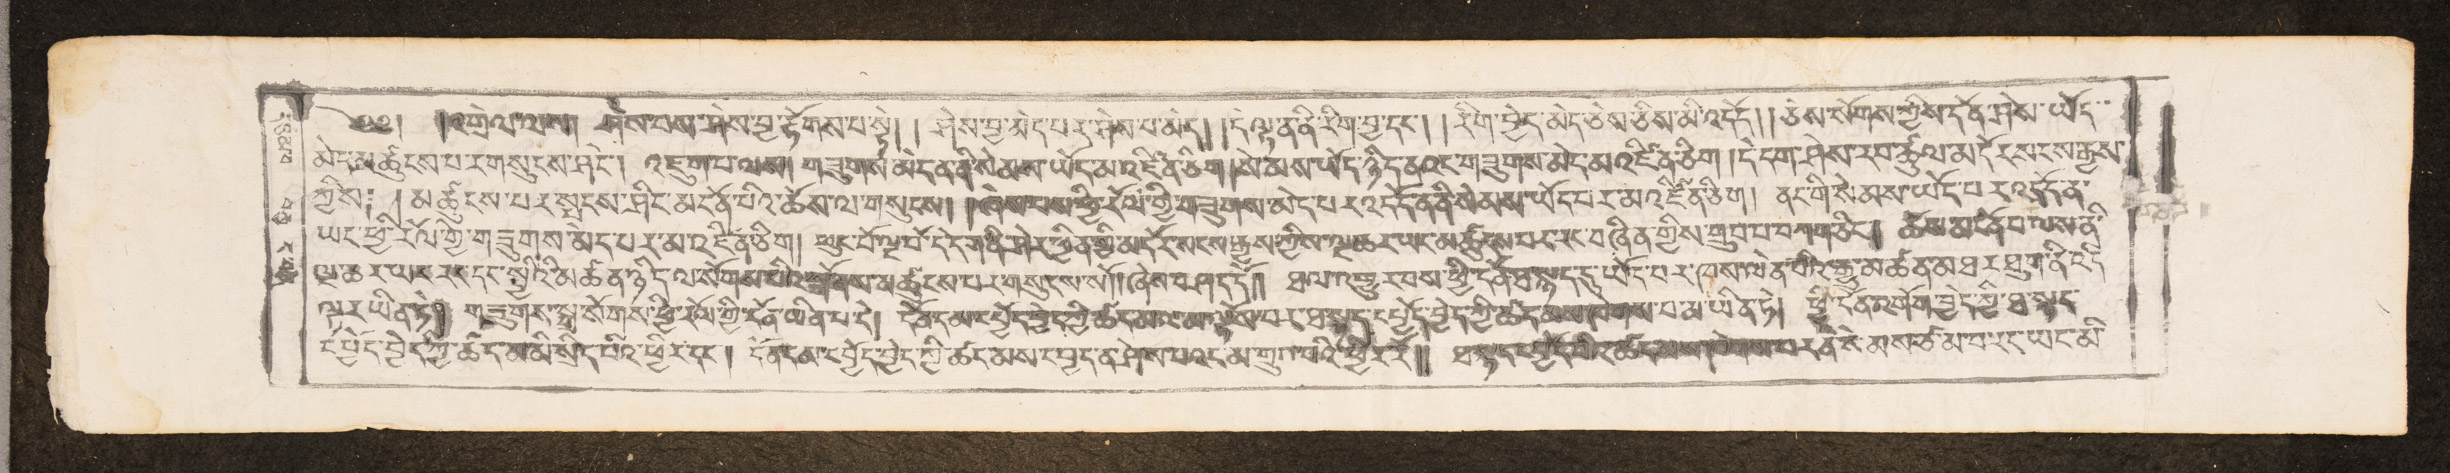༄༅། །འགྲེལ་ལས། ཤེས་པས་ཤེས་བྱ་རྟོགས་པ་སྟེ། །ཤེས་བྱ་མེད་པར་ཤེས་པ་མེད། །དེ་ལྟ་ན་ནི་རིག་བྱ་དང་། །རིག་བྱེད་མེད་ཅེས་ཅིས་མི་འདོད།།ཅེས་སོགས་ཀྱིས་དོན་ཤེས་ཡོད་
ཀྱིས་དོན་ཤེས་ཡོད་མེད་མཚུངས་པར་གསུངས་ཤིང་། འཇུག་པ་ལས། གཟུགས་མེད་ན་ནི་སེམས་ཡོད་མ་འཛིན་ཅིག། སེམས་ཡོད་ཉིད་ནའང་གཟུགས་མེད་མ་འཛིན་ཅིག། དེ་དག་ཤེས་རབ་ཚུལ་མདོར་སངས་རྒྱས་
ཀྱིས༑ །མཚུངས་པར་སྤངས་ཤིང་མངོན་པའི་ཆོས་ལ་གསུངས། །ཞེས་པས་ཕྱི་རོལ་གྱི་གཟུགས་མེད་པར་འདོད་ནི་སེམས་ཡོད་པར་མ་འཛིན་ཅིག། ནང་གི་སེམས་ཡོད་པར་འདོད་ན་
ཡང་ཕྱི་རོལ་གྱི་གཟུགས་མེད་པར་མ་འཛིན་ཅིག། ཕུང་པོ་ལྔན་པོ་དེ་དག་ནི་ཤེར་ཕྱིན་གྱི་མདོར་སངས་རྒྱས་ཀྱི་ལྔར་ཆར་ཡང་མཚུངས་པར་རང་བཞིན་གྱིས་གྲུབ་པ་བདྐག་ཅིང་། ཆོས་མངོན་པ་ལས་ནི་
ཝ་ཆར་ཡང་རང་དང་སྤྱིའི་མཚན་ཉིད་ལ་སོགས་པའི་སྒོ་ནས་མཚུངས་པར་གསུངས་སོ།། ཞེས་བཤད་དོ།། ཐལ་འགྱུར་བས་ཕྱི་དོན་ཐ་སྙད་དུ་ཡོད་པར་ཁས་ལེན་པའི་རྒྱུ་མཚན་མཐར་ཐུག་ནི་འདི་
ལྟར་ཡིན་ཏེ། གཟུགས་སྒྲ་སོགས་ཕྱི་རོལ་གྱི་དོན་ཡིན་པ་དེ། དོན་དམ་དཔྱོད་བྱེད་ཀྱི་ཚང་མ་ལ་མ་ལྟོས་པར་ཐ་སྙད་དཔྱོད་བྱེད་ཀྱི་ཚད་མས་ཁགས་པ་མ་ཡིན་ཏེ། ཕྱི་དོན་འགོག་བྱེད་ཀྱི་ཐ་སྙད་
དཔྱོད་བྱེད་ཀྱི་ཚད་མ་མི་སྲིད་པའི་ཕྱིར་དང་། དོན་དམ་དཔྱོད་བྱེད་ཀྱི་ཚད་མས་དཔྱད་ན་ཤེས་པའང་མ་གྲུབ་པའི་ཕྱིར་རོ།། ཐ་སྙད་དཔྱོད་པའི་ཚད་མས་ཁེགས་པར་ནི་སེམས་ཙ་མ་པ་རང་ཡང་མི་